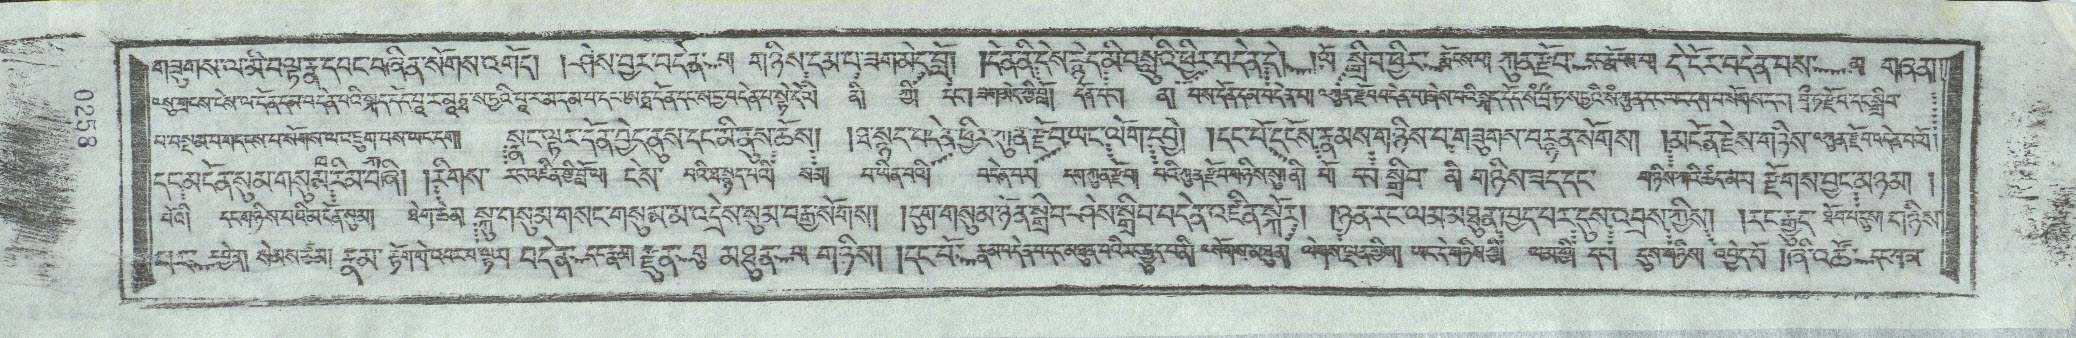གཟུགས་ལ་མི་བལྟ་རྣ་དབང་བཞིན་སོགས་འགོད། །ཤེས་བྱར་བདེན་པ། གཉིས་དམ་པ་ཟག་མེད་བློ། །དོན་ནི་དེས་རྙེད་མི་བསླུའི་ཕྱིར་བདེན་དེ། འོ། སྒྲིབ་ཕྱིར་རྨོངས་པ། ཀུན་རྫོབ་དང་རྨོངས་པ། དེ་ངོར་བདེན་པས་མ་གཞན།
བསུ་གྲངས་ངེས་ལ་དོན་དམ་བདེན་པའི་སྐད་དོང་བཱ་རམཱརྠ་སཏྱའི་པཱ་ར་མ་དམ་པ་དང་ཨརྠ་དོན་དངས་ཏྱ་བདེན་པ་སྟེ་དོའི། ནི། ཀྱི། དང་། ཟག་མེད་ཀྱི་བློ། དོན་དང་། ན། བས་དོན་དམ་བདེན་པ། བཀུན་རྫོབ་བདེན་པ་ཞེས་པའི་སཀད་དོན་སཾ་བྲི་ཏ་ས་ཏྱའི་སཾ་ཀུན་དང་མང་དག་པ་སོགས་དང་། བྲི་ཏ་རྫོབ་དང་སྒྲིབ་
པ་བསྔ་མ་བ་གདངས་བསོགས་ལ་འཇུག་པས་ཡང་དག །སྣང་ལྟར་དོན་བྱེད་ནུས་དང་མི་ནུས་ཆོས། །ཐ་སྙད་བདེན་ཕྱིར་ཀུན་རྫོབ་ཡང་ལེག་དབྱེ། །དང་པོ་དངོས་རྣམས་གཉིས་བ་གཟུགས་བརྙན་སོགས། །མངོན་རྗེས་གཉིས་བཀུན་རྫོབ་བདེན་པའོ། །
དང་མངོན་སུམ་གསུམ་རིམ་བཞི། །རིགས་རང་འཛིན་ཀྱི་བློལ། ངེས་པའི་ཐ་སྙད་པའི། སམ། པ་ཡིན་པའི། བདེན་པར། ངས་ཀུན་རྫོབ། བའི་ཀུན་རྫོབ་གཉིས་སུ་ནི། པོ་དང་། སྒྲིབ་ནི། གཉིས་ཟད་དང་གཉིས་ཀའི་ཚད་མར། རྫོགས་བྱང་མཉམ། །
པོའི། དང་གཉིས་པའི་མངོན་སུམ། ཆེན་ཆེར། སྐུ་གསུམ་གསང་གསུམ་མ་འདྲེས་སུམ་བརྒྱ་སོགས། །དུག་གསུམ་ཉོན་སྒྲིབ་ཤེས་སྒྲིབ་བདེན་ཛིན་སྐོར། །ཉན་རང་ལམ་མཐུན་ཁྱད་པར་དུས་འབྲས་ཀྱིས། །རང་རྒྱུད་ཐོབ་པ་དུས། གཉིས་
པར་དབྱེད། །སེམས་ཙམ། རྣམ་རྟོག་གེ་འབར་བ་ལྟབ། བདེན་དང་རྣམ། རྫུན་དུ། མཐུན་པ། གཉིས། །དང་པོ་རྣམ་བདེན་པ་དང་མཐུན་པའི་བ་རྒྱུད་པ་ནི། སོགས་མཐུན། ལེགས་ལྡན་གྱིས། ཡང་དེ་གཉིས་ཀྱི། ལམ་གྱི། དང་། དུས་གཉིས། ཁ་བྱེད་དོ། །ཞི་འཆོར?་དང་ཀམ་